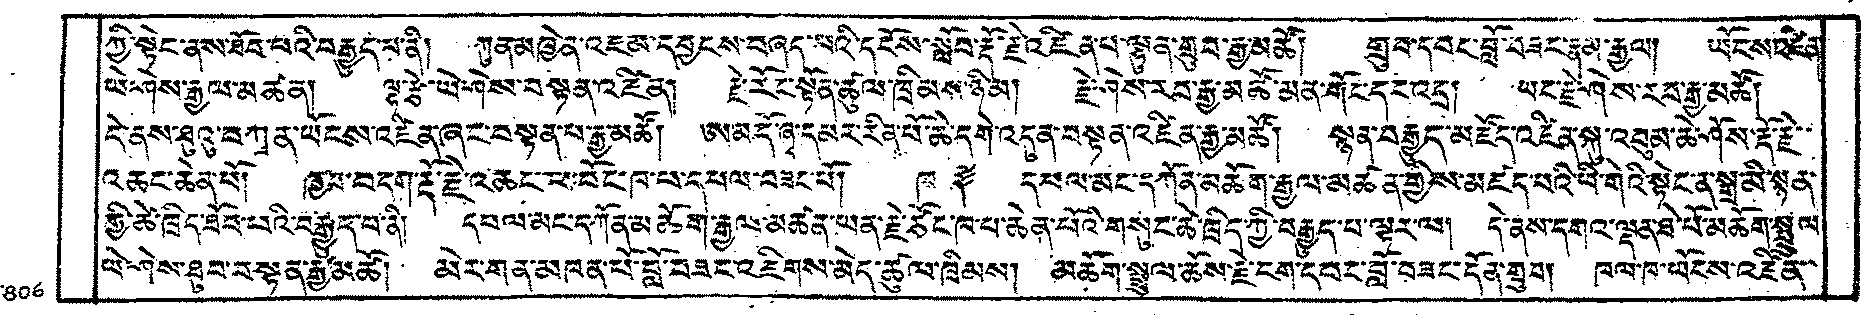ཀྱི་སྟེང་ནས་ཐོབ་པའི་བརྒྱུད་པ་ནི། ཀུན་མཁྱེན་འཇམ་དབྱངས་བཞད་པའི་དངོས་སློབ་རྡོ་རྗེ་འཛིན་པ་ལྷུན་གྲུབ་རྒྱ་མཚོ། གྲུབ་དབང་བློ་བཟང་རྣམ་རྒྱལ། ཡོངས་འཛིན་
ཡེ་ཤེས་རྒྱལ་མཚན། ལྷ་རྩེ་ཡེ་ཤེས་བསྟན་འཛིན། རྗེ་རོང་སྟོན་ཚུལ་ཁྲིམས་ཉི་མ། རྗེ་ཤེས་རབ་རྒྱ་མཚོ་མན་གོང་དང་འདྲ། ཡང་རྗེ་ཤེས་རབ་རྒྱ་མཚོ།
དེ་ནས་ཐུའུ་བཀྭན་ཡོངས་འཛིན་ཞང་བསྟན་པ་རྒྱ་མཚོ། ཨ་མདོ་ཞྭ་དམར་རིན་པོ་ཆེ་དགེ་འདུན་བསྟན་འཛིན་རྒྱ་མཚོ། སྙན་བརྒྱུད་མཛོད་འཛིན་སྐུ་འབུམ་ཆེ་ཤོས་རྡོ་རྗེ་
འཆང་ཆེན་པོ། ཁྱབ་བདག་རྡོ་རྗེ་འཆང་ཕ་བོང་ཁ་པ་དཔལ་བཟང་པོ། ཁ་༈ དཔལ་མང་དཀོན་མཆོག་རྒྱལ་མཚན་གྱིས་མཛད་པའི་ཡི་གེའི་སྟེང་ན་སྒྲ་མི་སྙན་
གྱི་ཚེ་ཁྲིད་ཐོབ་པའི་བརྒྱུད་པ་ནི། དཔལ་མང་དཀོན་མཆོག་རྒྱལ་མཚན་ཡན་རྗེ་ཙོང་ཁ་པ་ཆེན་པོའི་གསུང་ཚེ་ཁྲིད་ཀྱི་བརྒྱུད་པ་ལྟར་ལ། དེ་ནས་དགའ་ལྡན་ཐེ་པོ་མཆོག་སྤྲུལ་
ཡེ་ཤེས་ཐུབ་བསྟན་རྒྱ་མཚོ། མེར་གན་མཁན་པོ་བློ་བཟང་འཇིགས་མེད་ཚུལ་ཁྲིམས། མཆོག་སྤྲུལ་ཆོས་རྗེ་ངག་དབང་བློ་བཟང་དོན་གྲུབ། ཁལ་ཁ་ཡོངས་འཛིན་